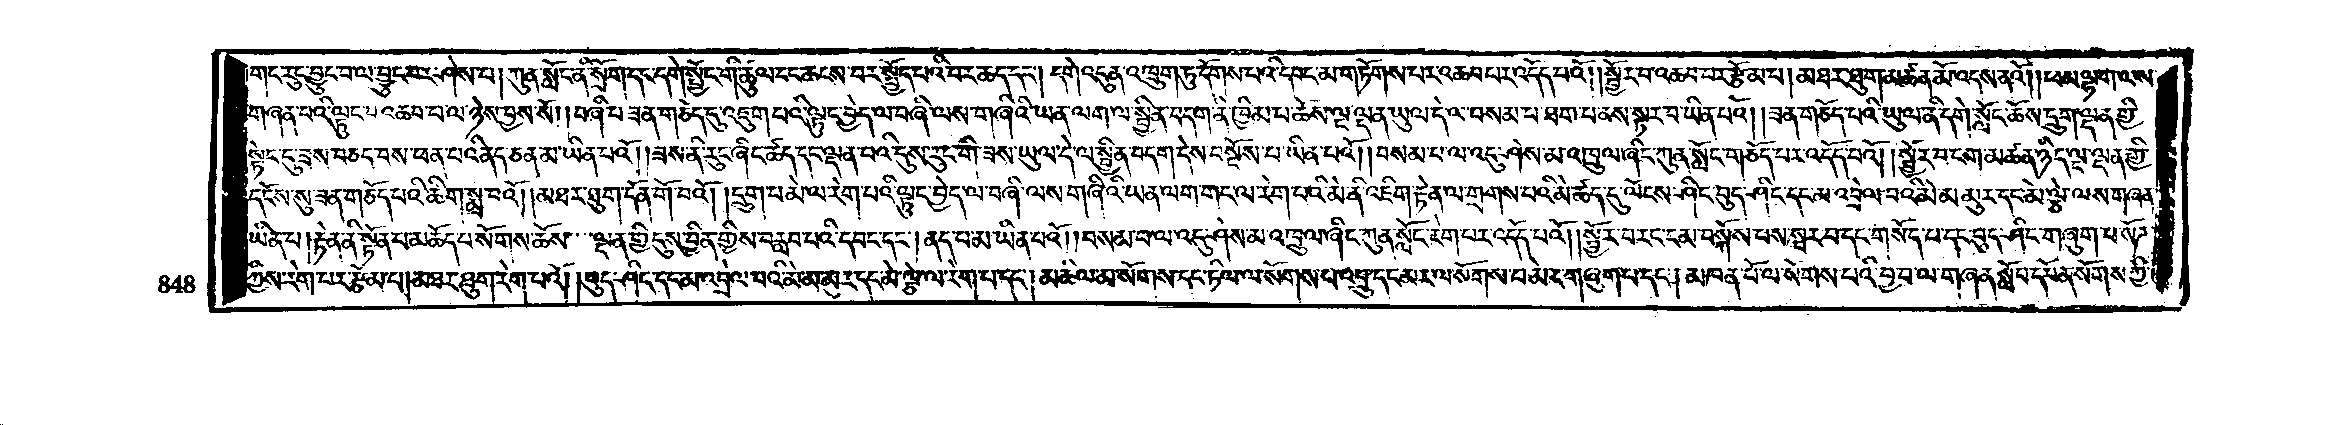གང་རུང་བྱུང་བ་ལ་བྱུང་བར་ཤེས་པ། ཀུན་སློང་ནི་སྲོག་དང་དགེ་སྦྱོང་གི་ཚུལ་དང་ཚངས་པར་སྤྱོད་པའི་བར་ཆད་དང་། དགེ་འདུན་འཁྲུག་ཏུ་དོགས་པའི་དབང་མ་གཏོགས་པར་འཆབ་པར་འདོད་པའོ། །སྦྱོར་བ་འཆབ་པར་རྩོམ་པ། མཐར་ཐུག་མཚན་མོ་འདས་ནའོ། །ཕམ་ལྷག་ལས་
གཞན་པའི་ལྟུང་པ་འཆབ་པ་ལ་ཉེས་བྱས་སོ། །བཞི་པ་ཟན་གཅེད་དུ་འཇུག་པའི་ལྟུང་བྱེད་ལ་བཞི་ལས་གཞིའི་ཡན་ལག་ལ་སྦྱིན་བདག་ནི་ཁྱིམ་པ་ཆོས་ལྔ་ལྡན་ཡུལ་དེ་ལ་བསམ་པ་ཐག་པ་ནས་སྟར་བ་ཡིན་པའོ། །ཟན་གཅོད་པའི་ཡུལ་ནི་དགེ་སློང་ཆོས་དྲུག་ལྡན་གྱི་
སྟེང་དུ་ཟས་བཅད་བས་ཕན་པའི་ནད་ཅན་མ་ཡིན་པའོ། །ཟས་ནི་རུང་ཞིང་ཚད་དང་ལྡན་པའི་དུས་རུང་གི་ཟས་ཡུལ་དེ་ལ་སྦྱིན་བདག་དེས་བསྔོས་པ་ཡིན་པའོ། །བསམ་པ་ལ་འདུ་ཤེས་མ་འཁྲུལ་ཞིང་ཀུན་སློང་གཅོད་པར་འདོད་པའོ། །སྦྱོར་བ་ངག་མཚན་ཉིད་ལྔ་ལྡན་གྱི་
དངོས་སུ་ཟན་གཅོད་པའི་ཚིག་སྨྲ་བའོ། །མཐར་ཐུག་དོན་གོ་བའོ། །དྲུག་པ་མེ་ལ་རིག་པའི་ལྟུང་བྱེད་ལ་བཞི་ལས་གཞིའི་ཡན་ལག་གང་ལ་རེག་པའི་མེ་ནི་འཇིག་རྟེན་ལ་གྲགས་པའི་མེ་ཚད་དུ་ལོངས་ཤིང་བུད་ཤིང་དང་མ་འབྲེལ་བའི་མེ་མ་མུར་མེ་ལྕེ་ལས་གཞན་
ཡིན་པ། ཏེན་ནི་སྟོན་པ་མཆོད་པ་སོགས་ཆོས་ལྡན་གྱི་དུས་བྱིན་གྱིས་བརླབ་པའི་དབང་དང་། ནད་པ་ལམ་ཡིན་པའོ། །བསམ་པ་ལ་འདུ་ཤེས་མ་འཁྲུལ་ཤིང་ཀུན་སློང་རེག་པར་འདོད་པའོ། །སྦྱོར་བ་རང་ངམ་བསྐོས་པས་སྦར་བ་དང་གསོད་པ་དང་བུད་ཤིང་གཞུག་པ་སོགས་
ཀྱིས་ཏེག་པར་རྩེམ་པ། མཐར་ཐུག་རེག་པའོ། །བུད་ཤིང་དང་མ་འབྲེལ་བའི་མེ་མ་མུར་དང་མེ་ལྕེ་ལ་རེག་པ་དང་། མཆིལ་མ་སོགས་དང་ཏིལ་ལ་སོགས་པ་འབྲུ་དང་མར་ལ་སོགས་པ་མེཏ་གཞུག་པ་དང་། མཁན་པོ་ལ་སོགས་པའི་བྱ་བ་ལ་གཞན་སློག་དཔོན་སོགས་ཀྱི་